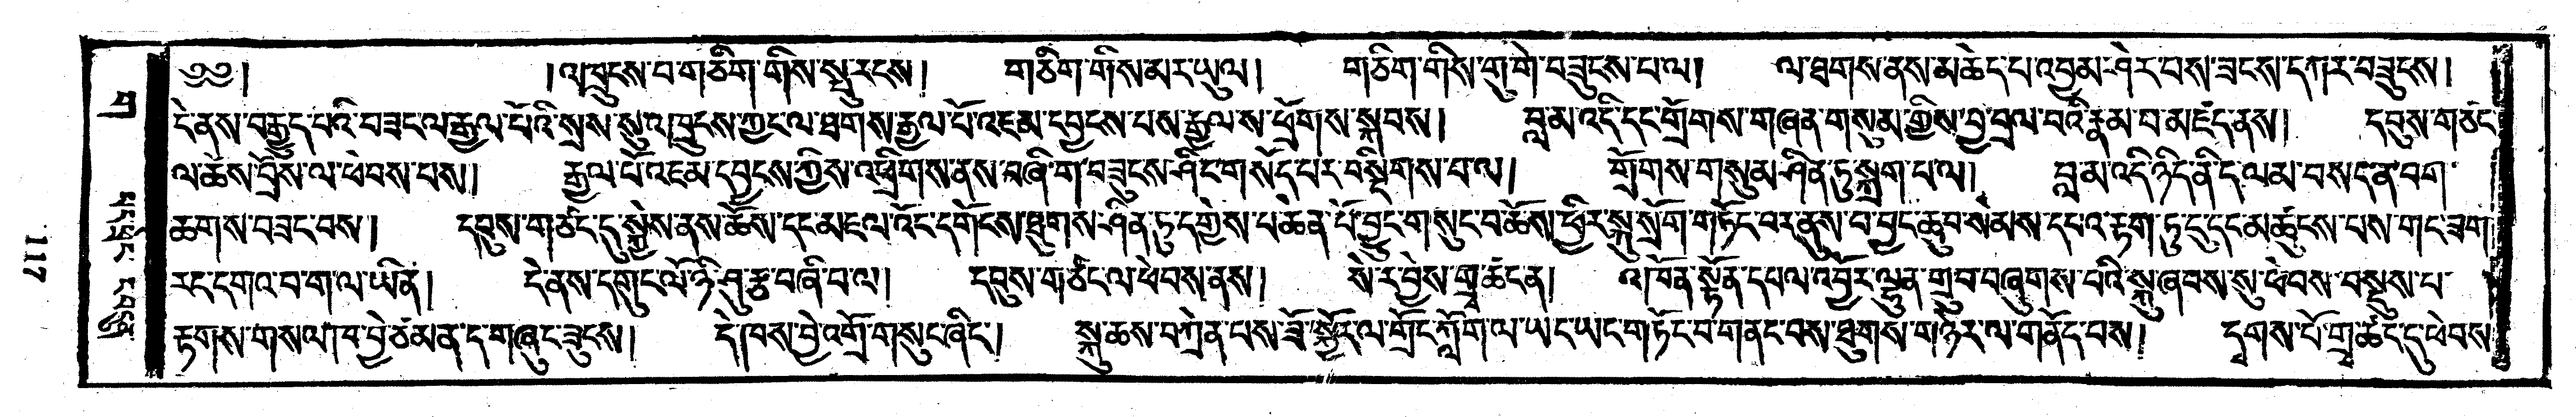༄༅། །འཁྲུངས་པ་གཅིག་གིས་སྤུ་རངས། གཅིག་གིས་མར་ཡུལ། གཅིག་གིས་གུ་གེ་བཟུངས་པ་ལ། ལ་ཐགས་ནས་མཆེད་པ་འབྱམ་ཤེར་བས་ཟངས་དཀར་བཟུངས།
དེ་ནས་བརྒྱུད་པའི་བཟང་ལ་རྒྱལ་པོའི་སྲས་སུ་འཁྲུངས་ཀྱང་ལ་ཐགས་རྒྱལ་པོ་འཇམ་དབྱངས་པས་རྒྱལ་ས་ཕྲོགས་སྐབས། བླ་མ་འདི་དང་གྲོགས་གཞན་གསུམ་གྱིས་བྱ་བྲལ་བའི་རྣམ་པ་མཛད་ནས། དབུས་གཙང་
ལ་ཆོས་བྲོས་ལ་ཕེབས་པས། རྒྱལ་པོ་འཇམ་དབྱངས་ཀྱིས་འཕྲིགས་ནས་བཞི་གི་བཟུངས་ཤིང་གསོད་པར་བསྡིགས་པ་ལ། གྲོགས་གསུམ་ཤིན་ཏུ་སྐྲག་པ་ལ། བླ་མ་འདི་ཉིད་ནི་ད་ལམ་བསད་ན་བག་
ཆགས་བཟང་བས། དབུས་གཙང་དུ་སྐྱེས་ནས་ཆོས་དང་མཇལ་འོང་དགོངས་ཐུགས་ཤིན་ཏུ་དགྱེས་པ་ཆེན་པོ་བྱུང་གསུང་བ་ཆོས་ཕྱིར་སྐུ་སྲོག་གཏོང་བར་ནུས་པ་བྱང་ཆུབ་སེམས་དཔའ་རྟག་ཏུ་དུ་དང་མཚུངས་པས་གང་ཟག་
རང་དགའ་བ་ག་ལ་ཡིན། དེ་ནས་དགུང་ལོ་ཉི་ཤུ་རྩ་བཞི་བ་ལ། དབུས་གཙང་ལ་ཕེབས་ནས། སེ་ར་བྱེས་གྲྭ་ཚང་ན། འཁོན་སྟོན་དཔལ་འབྱོར་ལྷུན་གྲུབ་བཞུགས་པའི་སྐུ་ཞབས་སུ་ཕེབས་བསྡུས་པ་
རྟགས་གསལ་ཁ་བྱེ་ཙམ་ན་ད་གཞུང་ཟུངས། དེ་ཁས་བྱེ་འགྲོ་གསུང་ཞིང་། སྐུ་ཆས་བཀྲེན་པས་ཟོ་སྐྱོར་ལ་གྲོང་ཀློག་ལ་ཡང་ཡང་གཏོང་བ་གནང་བས་ཐུགས་གཉེར་ལ་གནོད་པས། དྭགས་པོ་གྲྭ་ཚང་དུ་ཕེབས་